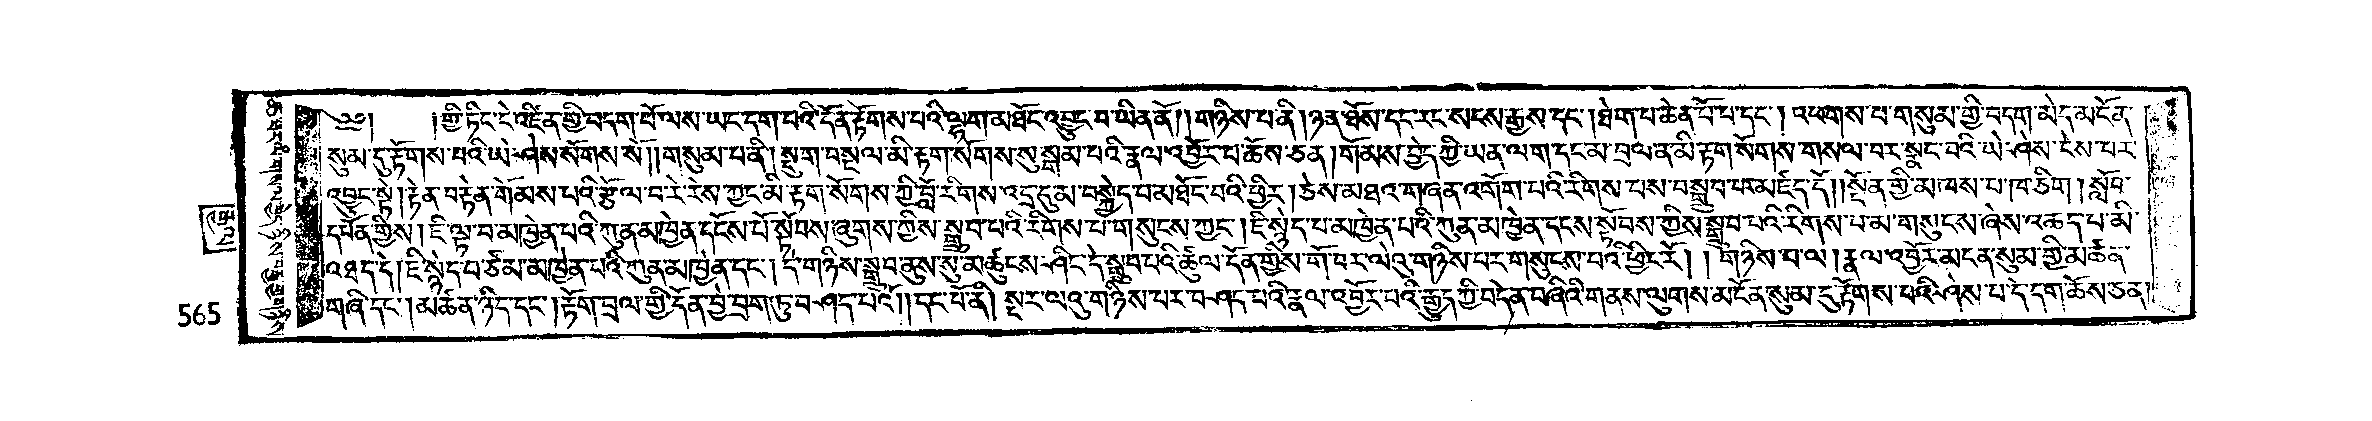༄༅། །གྱི་ཏིང་ངེ་འཛིན་གྱི་བདག་པོ་ལས་ཡང་དག་པའི་དོན་རྟོགས་པའི་ལྷག་མཐོང་འབྱུང་བ་ཡིན་ནོ། ?་།གཉིས་པ་ནི། ཉན་ཐོས་དང་རང་སངས་རྒྱས་དང་། ཐེག་པ་ཆེན་པོ་པ་དང་། འཕགས་པ་གསུམ་གྱི་བདག་མེད་མངོན་
སུམ་དུ་རྟོགས་པའི་ཡེ་ཤས་སོགས་སོ། །གསུམ་པ་ནི། སྡུག་བསྔལ་མི་རྟག་སོགས་སུ་སྒམ་པའི་རྣལ་འབྱོར་པ་ཆོས་ཅན། གོམས་བྱེད་ཀྱི་ཡན་ལག་དང་མ་བྲལ་ན་མི་རྟག་སོགས་གསལ་བར་སྣང་བའི་ཡེ་ཤེས་ངེས་པར་
འབྱུང་སྟེ། རྟེན་བརྟེན་གོམས་པའི་རྩོལ་བ་རེ་རེས་ཀྱང་མི་རྟག་སེགས་ཀྱི་བློ་རིགས་འདྲ་དུ་མ་བསྐྱེད་པ་མཐོང་བའི་ཕྱིར། ཅེས་མཐའ་གཞན་འགོག་པའི་རིགས་པས་བསྒྲུབ་པར་མཛད་དོ། །སྔོན་གྱི་མཁས་པ་ཁ་ཅིག། སློབ་
དཔོན་གྱིས། ཇི་ལྟ་བ་མཁྱེན་པའི་ཀུན་མཁྱེན་དངོས་པོ་སྟོབས་ཞུགས་ཀྱིས་སྒྲུབ་པའི་རིགས་པ་གསུངས་ཀྱང་།ཇི་སྙེད་པ་མཁྱེན་པའི་ཀུན་མཁྱེན་དངོས་སྟོབས་ཀྱིས་སྒྲུབ་པའི་རིགས་པ་མ་གསུངས་ཞེས་འཆད་པ་མི་
འཐད་དེ། ཇི་སྙེད་པ་ཙམ་མཁྱེན་པའི་ཀུན་མཁྱེན་དང་། དེ་གཉིས་སྒྲུབ་ནུས་སུ་མཚུངས་ཤིང་དེ་སྒྲུབ་པའི་ཚུལ་དོན་གྱིས་གོ་བར་ལེའུ་གཉིས་པར་གསུངས་པའི་ཕྱིར་རོ། །གཉིས་པ་ལ། རྣལ་འབྱོར་མངོན་སུམ་གྱི་མཚན་
གཞི་དང་། མཚན་ཉིད་དང་། རྟོག་བྲལ་གྱི་དོན་བྱེ་བྲག་ཏུ་བཤད་པའོ། །དང་པོ་ནི། སྔར་ལེའུ་གཉིས་པར་བཤད་པའི་རྣལ་འབྱོར་བའི་རྒྱུད་ཀྱི་བདེན་བཞིའི་གནས་ལུགས་མངོན་སུམ་དུ་རྟོགས་པའི་ཤེས་པ་དེ་དག་ཆོས་ཅན།